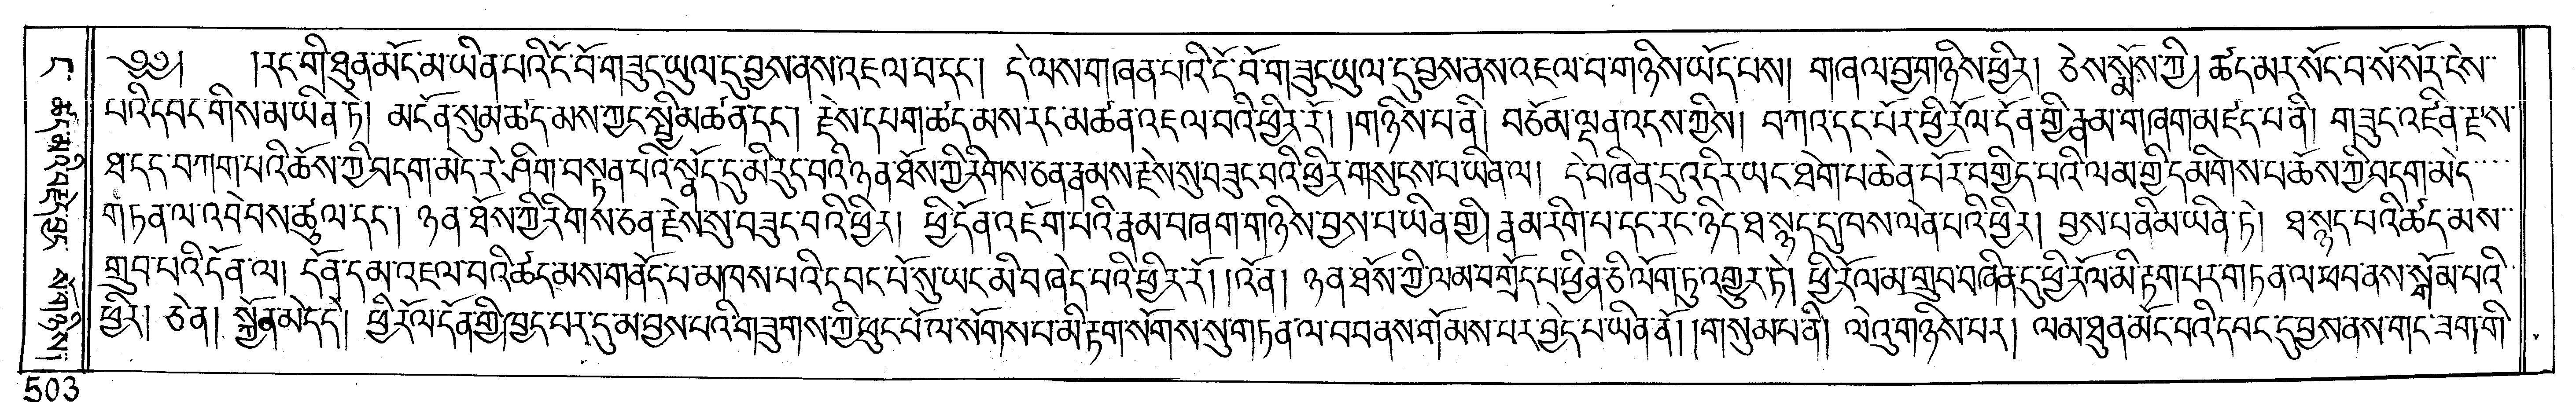༄༅། །རང་གི་ཐུན་མོང་མ་ཡིན་པའི་ངོ་བོ་གཟུང་ཡུལ་དུ་བྱས་ནས་འཇལ་བ་དང་། དེ་ལས་གཞན་པའི་ངོ་བོ་གཟུང་ཡུལ་དུ་བྱས་ནས་འཇལ་བ་གཉིས་ཡོད་པས། གཞལ་བྱ་གཉིས་ཕྱིར། ཅེས་སྨོས་ཀྱི། ཚད་མར་སོང་བ་སོ་སོར་ངེས་
པའི་དབང་གིས་མ་ཡིན་ཏེ། མངོན་སུམ་ཚང་མས་ཀྱང་སྤྱི་མཚན་དང་། རྗེས་དཔག་ཚད་མས་རང་མཚན་འཇལ་བའི་ཕྱིར་རོ། །གཉིས་པ་ནི། བཅོམ་ལྡན་འདས་ཀྱིས། བཀའ་དང་པོར་ཕྱི་རོལ་དོན་གྱི་རྣམ་གཞག་མཛད་པ་ནི། གཟུང་འཛིན་རྫས་
ཐ་དད་བཀག་པའི་ཆོས་ཀྱི་བདག་མེད་རེ་ཤིག་བསྟན་པའི་སྣོད་དུ་མི་རུང་བའི་ཉན་ཐོས་གྱི་རིགས་ཅན་རྣམས་རྗེས་སུ་བཟུང་བའི་ཕྱིར་གསུངས་པ་ཡིན་ལ། དེ་བཞིན་དུ་འདིར་ཡང་ཐེག་པ་ཆེན་པོར་བགྱིད་པའི་ལམ་གྱི་དམིགས་པ་ཆོས་ཀྱི་བདག་མེད་
གཏན་ལ་འབེབས་ཚུལ་དང་། ཉན་ཐོས་ཀྱི་རིགས་ཅན་རྗེས་སུ་བཟུང་བའི་ཕྱིར། ཕྱི་དོན་འཇོག་པའི་རྣམ་གཞག་གཉིས་བྱས་པ་ཡིན་གྱི། རྣམ་རིག་པ་དང་རང་ཉིད་ཐ་སྙད་དུ་ཁས་ལེན་པའི་ཕྱིར། བྱས་པ་ནི་མ་ཡིན་ཏེ། ཐ་སྙད་པའི་ཚད་མས་
གྲུབ་པའི་དོན་ལ། དོན་དམ་འཇལ་བའི་ཚད་མས་གནོད་པ་མཁས་པའི་དབང་པོ་སུ་ཡང་མི་བཞེད་པའི་ཕྱིར་རོ། །འོ་ན། ཉན་ཐོས་ཀྱི་ལམ་བགྲོད་པ་ཕྱིན་ཅི་ལོག་ཏུ་འགྱུར་ཏེ། ཕྱི་རོལ་མ་གྲུབ་བཞིན་དུ་ཕྱི་རོལ་མི་རྟག་པར་གཏན་ལ་ཕབ་ནས་སྒོམ་པའི་
ཕྱིར། ཅེ་ན། སྐྱོན་མེད་དེ། ཕྱི་རོལ་དོན་གྱི་ཁྱད་པར་དུ་མ་བྱས་པའི་གཟུགས་ཀྱི་ཕུང་པོ་ལ་སོགས་པ་མི་རྟག་སོགས་སུ་གཏན་ལ་ཕབ་ནས་གོམས་པར་བྱེད་པ་ཡིན་ནོ། །གསུམ་པ་ནི། ལེའུ་གཉིས་པར། ལམ་ཐུན་མོང་བའི་དབང་དུ་བྱས་ནས་གང་ཟག་གི་